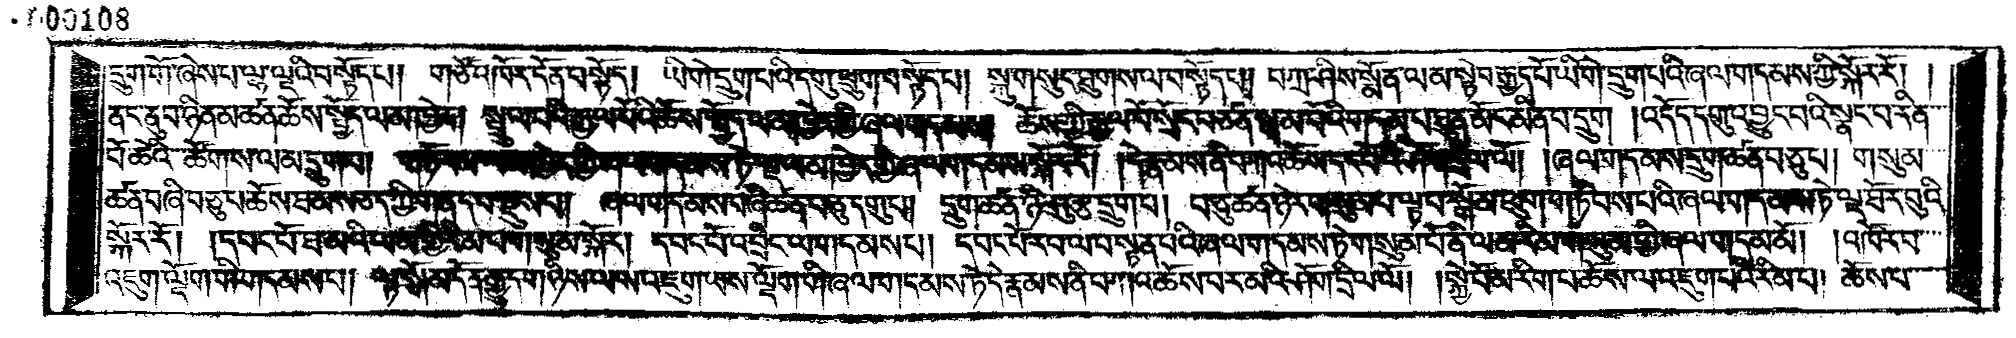དྲུག་གོ་ཞེས་པ་ལྷ་ལྔའི་བསྟོད་པ། གཙོ་འཁོར་དོན་བསྟོད། ཡི་གེ་དྲུག་པའི་དགུ་ཕྲུག་བསྟོད་པ། སྐུ་གསུང་ཐུགས་ལ་བསྟོད་པ། བཀྲ་ཤིས་སྨོན་ལམ་སྟེ་བརྒྱད་པོ་ཡི་གེ་དྲུག་པའི་ཞལ་གདམས་ཀྱི་སྐོར་རོ། །
ནང་ནུབ་ཉིན་མཚན་ཆོས་སྤྱོད་ལམ་ཁྱེར། སྤྲུལ་པའི་རྒྱལ་པོའི་ཆོས་སྤྱོད་ལམ་ཁྱེར་གྱི་ཞལ་གདམས། ཆོས་ཀྱི་རྒྱལ་པོ་སྲོང་བཙན་སྒམ་པོའི་གདམས་པ་ཐུན་མོང་མིན་པ་དྲུག །འདོད་དགུ་འབྱུང་བའི་སྣང་བ་རིན་
པོ་ཆེའི་ཚོགས་ལམ་དྲུག་པ། གཏོར་མ་ལམ་ཁྱེར་གྱི་ཞལ་གདམས་ཏེ་ལྔ་ལམ་ཁྱེར་གྱི་ཞལ་གདམས་སྐོར་རོ། །དེ་རྣམས་ནི་བཀའ་ཆོས་དང་པོའི་ཤོག་དྲིལ་ལོ། །ཞལ་གདམས་དྲུག་ཚན་བཅུ་པ། གསུམ་
ཚན་བཞི་བཅུ་པ་ཆོས་ཐམས་ཅད་ཀྱི་གནད་བསྡུས་པ། ཞལ་གདམས་བཞི་ཚན་བཅུ་དགུ་པ། དྲུག་ཚན་ཉི་ཤུ་རྩ་དྲུག་པ། བཅུ་ཚན་ཉེར་གསུམ་པ་ལྟ་བ་སྒོམ་ཕུག་གཏིབས་པའི་ཞལ་གདམས་ཏེ་ལྔ་ཐོར་བུའི་
སྐོར་རོ། །དབང་པོ་ཐ་མའི་ལམ་གྱི་རིམ་པ་གསུམ་སྐོར། དབང་པོ་འབྲིང་ལ་གདམས་པ། དབང་པོ་རབ་ལ་བསྟན་པའི་ཞལ་གདམས་ཏེ་གསུམ་པོ་ནི་ལམ་རིམ་གསུམ་གྱི་ཞལ་གདམ་མོ། །འཁོར་བ་
འཇུག་ལྡོག་གི་གདམས་པ། ལྟ་སྒོམ་དོན་རྒྱུད་གཉིས་ལས་འཇུག་ཡས་ལྡོག་གི་ཞལ་གདམས་ཏེ་དེ་རྣམས་ནི་བཀའ་ཆོས་བར་མའི་ཤོག་དྲིལ་ལོ། །སྐྱེ་བོ་མ་རིག་པ་ཆོས་ལ་འཇུག་པའི་རིམ་པ། ཆོས་པ་